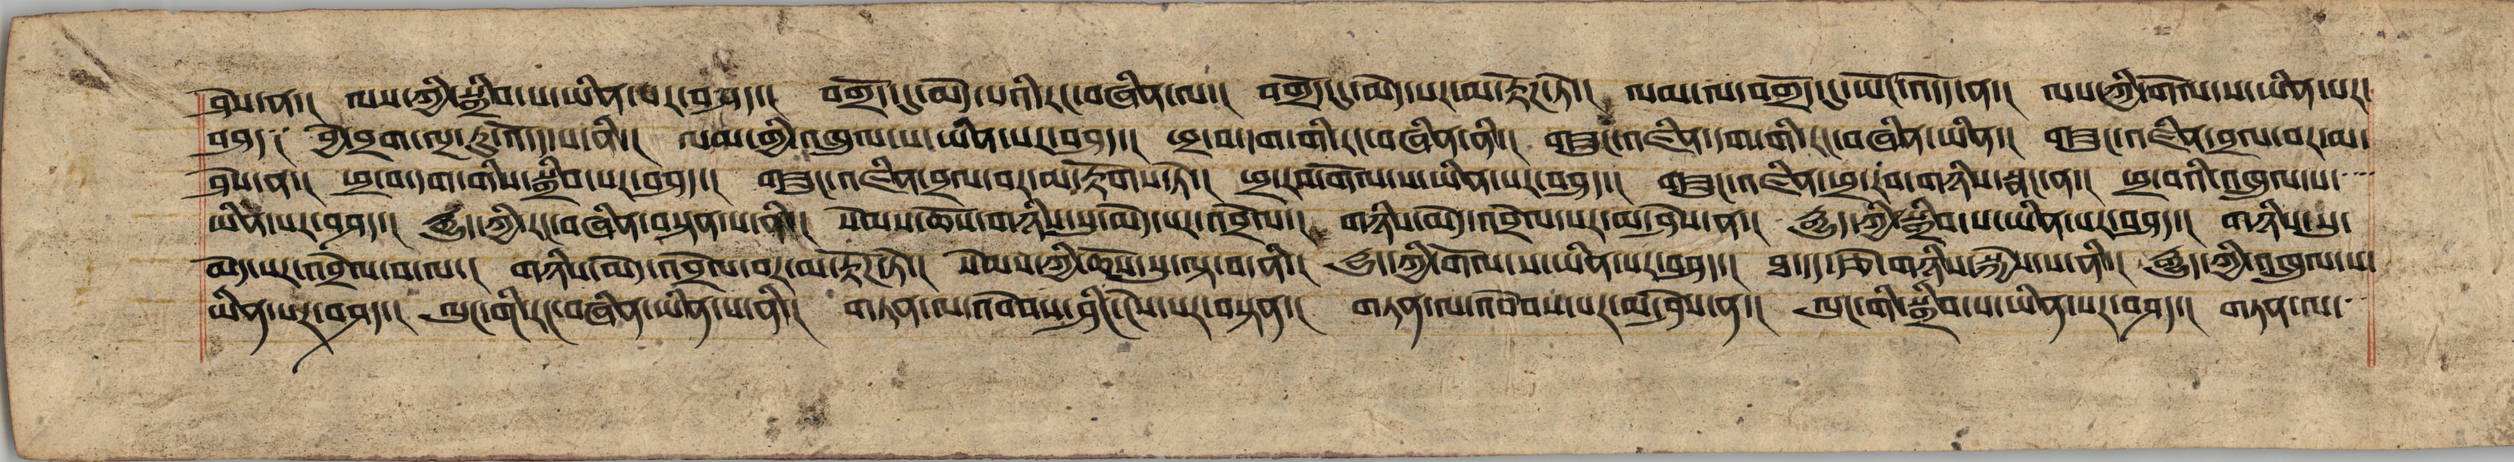ཤེས་ན་། ལས་ཀྱི་སྒྲིབ་པ་ཡིན་པར་བཤད་། བགྲོད་དུ་མེད་པའི་རང་བཞིན་ལ་། བགྲོད་དུ་མེད་པར་མ་རྟོཌ་ཏེ་། ལམ་ལ་བགྲོད་དུ་ཡོང་འདོད་ན་། ལས་ཀྱི་གོལ་ས་ཡིན་པར་
བཤད༑ བྱེ་བྲག་ལྔ་རུ་འདོད་པ་ནི་། ལམ་གྱི་འཁྲུལ་པ་ཡིན་པར་བཤད་། ཕྲ་བ་དག་གི་རང་བཞིན་ནི་། གཟུང་འཛིན་དག་གི་རང་བཞིན་ཡིན་། གཟུང་འཛིན་བྲལ་བར་མ་
ཤེས་ན་། ཕྲ་བ་དག་གིས་སྒྲིབ་པར་བཤད་། གཟུང་འཛིན་བྲལ་བར་མ་རྟོགས་ཏེ་། ཕྲ་རབ་གོལ་ས་ཡིན་པར་བཤད་། གཟུང་འཛིན་ཕྲ་རབ་གཉིས་སྣང་ན་། ཕྲ་བའི་འཁྲུལ་པ་
ཡིན་པར་བཤད་། རྒྱུད་ཀྱི་རང་བཞིན་བསྟན་པ་ནི་། སེམས་ཆོས་གཉིས་སུ་མེད་པར་འབྲེལ་། གཉིས་མེད་འབྲེལ་པར་མ་ཤེས་ན་། རྒྱུད་ཀྱི་སྒྲིབ་པ་ཡིན་པར་བཤད་། གཉིས་སུ་
མེད་པར་འབྲེལ་བ་ལ་། གཉིས་མེད་འབྲེལ་བར་མ་རྟོཌ་ཏེ་། སེམས་ཀྱི་ཆོས་སུ་ལྟ་བ་ནི་། དྱུད་ཀྱི་གོལ་ས་ཡིན་པར་བཤད་། ཐ་དད་རྩེ་གཉིས་སྐྱེས་པ་ནི་། རྒྱུད་ཀྱི་འཁྲུལ་པ་
ཡིན་པར་བཤད་། ལུང་གི་རང་བཞིན་ཡིན་པ་ནི་། གཏན་ལ་འབེབས་ཤིང་ངེས་པར་བསྟན་། གཏན་ལ་འབེབས་པར་མ་ཤེས་ན་། ལུང་གི་སྒྲིབ་པ་ཡིན་པར་བཤད་། གཏན་ལ་